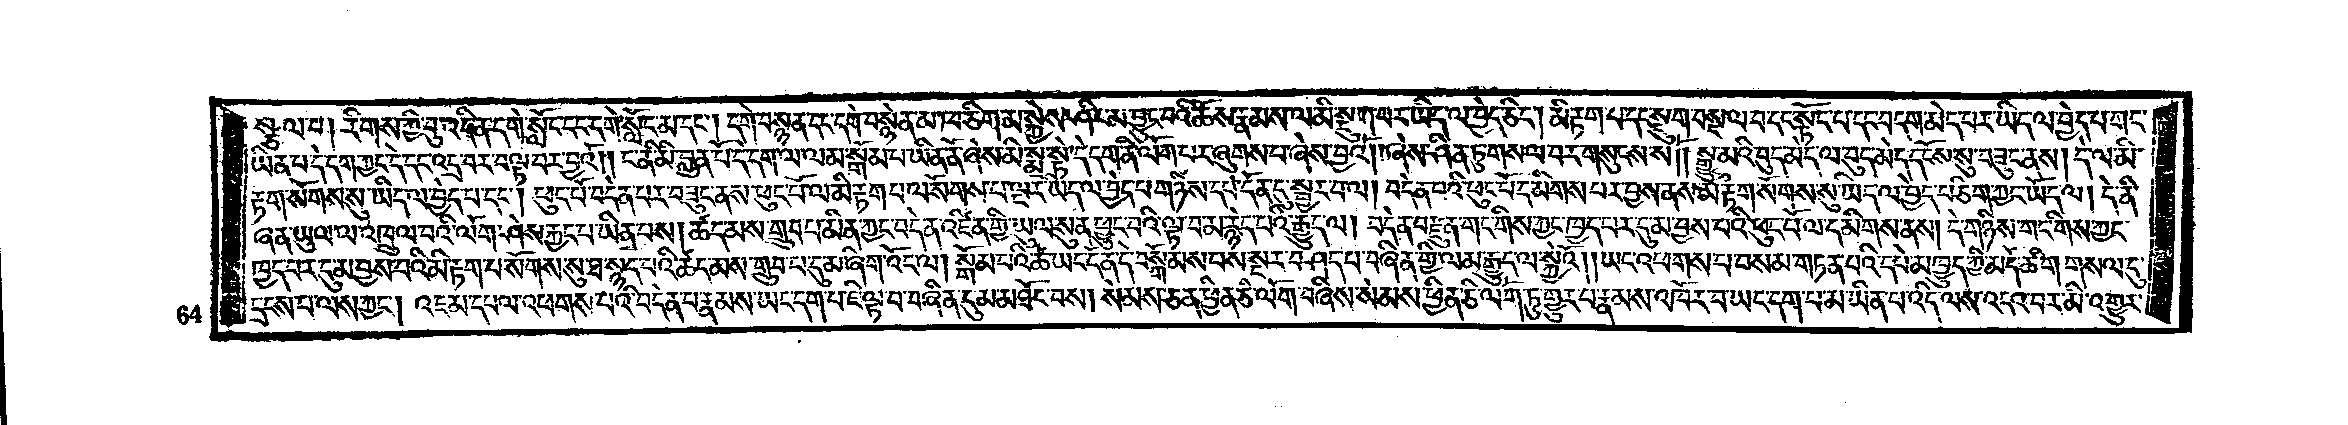སྩལ་པ། རིགས་ཀྱི་བུ་འདི་ན་དགེ་སློང་དང་དགེ་སློང་མ་དང་། དགེ་བསྙེན་དང་དགེ་བསྙེན་མ་ཁ་ཅིག་མ་སྐྱེས་ཤིང་མ་བྱུང་བའི་ཆོས་རྣམས་ལ་མི་སྡུག་པར་ཡིད་ལ་བྱེད་ཅིང་། མི་རྟག་པ་དང་སྡུག་བསྔལ་བ་དང་སྟོང་པ་དང་བདག་མེད་པར་ཡིད་ལ་བྱེད་པ་གང་
ཡིན་པ་དེ་དག་ཀྱང་དེ་དང་འདྲ་བར་བལྟ་བར་བྱའོ། །ང་ནི་མི་བླུན་པོ་དེ་དག་ལ་ལམ་སྒོམ་པ་ཡིན་ནོ་ཞེས་མི་སྨྲ་སྟེ་དེ་དག་ནི་ལོག་པར་ཞུགས་པ་ཞེས་བྱའོ། །ཞེས་ཤིན་ཏུ་གསལ་བར་གསུངས་སོ། །སྒྱུ་མའི་བུད་མེད་ལ་བུད་མེད་དངོས་སུ་བཟུང་ནས། དེ་ལ་མི་
རྟག་སོགས་སུ་ཡིད་ལ་བྱེད་པ་དང་། ཕུང་པོ་བདེན་པར་བཟུང་ནས་ཕུང་པོ་ལ་མི་རྟག་པ་ལ་སོགས་པ་སྔར་ཡིད་ལ་བྱེད་པ་གཉིས་དཔེ་དོན་དུ་སྦྱར་བ་ལ། བདེན་པའི་ཕུང་པོ་དམིགས་པར་བྱས་ནས་མི་རྟག་སོགས་སུ་ཡིད་ལ་བྱེད་པ་ཅིག་ཀྱང་ཡོད་ལ། དེ་ནི་
ཞེན་ཡུལ་ལ་འཁྲུལ་བའི་ལོག་ཤེས་རྐྱང་པ་ཡིན་པས། ཚད་མས་གྲུབ་པ་མིན་ཀྱང་བདེན་འཛིན་གྱི་ཡུལ་སུན་ཕྱུང་བའི་ལྟ་བ་མ་རྙེད་པའི་རྒྱུད་ལ། བདེན་བརྫུན་གང་གིས་ཀྱང་ཁྱད་པར་དུ་མ་བྱས་པའི་ཕུང་པོ་ལ་དམིགས་ནས། དེ་གཉིས་གང་གིས་ཀྱང་
ཁྱད་པར་དུ་མ་བྱས་པའི་མི་རྟག་པ་སོགས་སུ་ཐ་སྙད་པའི་ཚད་མས་གྲུབ་པ་དུ་མ་ཞིག་འོང་ལ། སྒོམ་པའི་ཚེ་ཡང་དོན་དེ་བསྒོམས་པས་སྔར་བཤད་པ་བཞིན་གྱི་ལམ་རྒྱུད་ལ་སྐྱེའོ། །ཡང་འཕགས་པ་བསམ་གཏན་པའི་དཔེ་མཁྱུད་ཀྱི་མདོ་ཚིག་གསལ་དུ་
དྲངས་པ་ལས་ཀྱང་། འཇམ་དཔལ་འཕགས་པའི་བདེན་པ་རྣམས་ཡང་དག་པ་ཇི་ལྟ་བ་བཞིན་དུ་མ་མཐོང་བས། སེམས་ཅན་ཕྱིན་ཅི་ལོག་བཞིས་སེམས་ཕྱིན་ཅི་ལོག་ཏུ་གྱུར་པ་རྣམས་འཁོར་བ་ཡང་དག་པ་མ་ཡིན་པ་འདི་ལས་འདའ་བར་མི་འགྱུར་